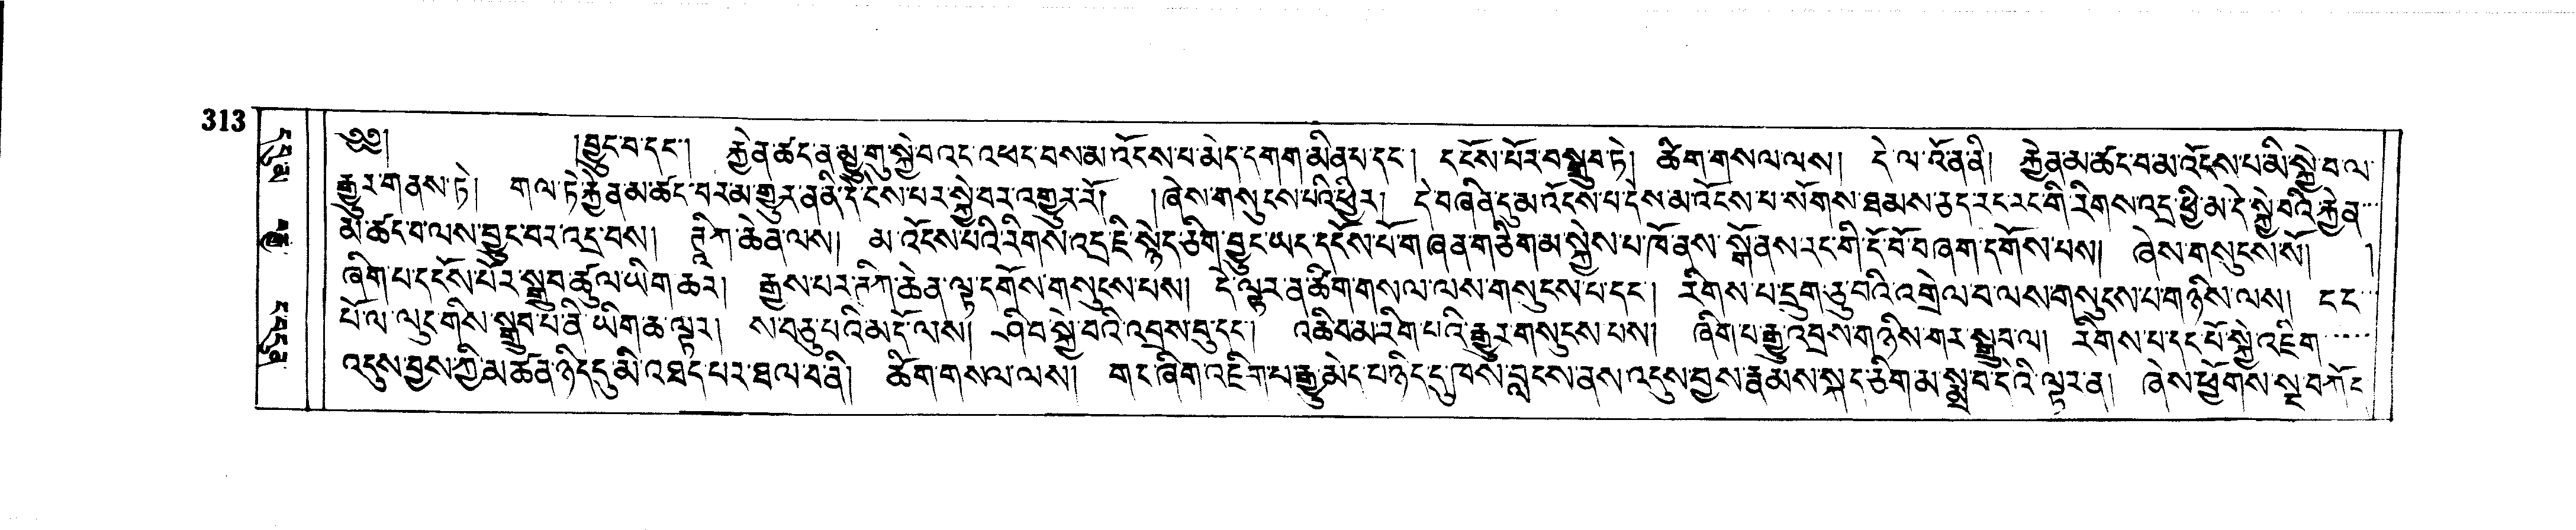༄༅། །བྱུང་བ་དང་། རྐྱེན་ཚང་ན་མྱུ་གུ་སྐྱེ་བའང་འཕང་བས་མ་འོངས་པ་མེད་དགག་མིན་པ་དང་། དངོས་པོར་བསྒྲུབ་ཏེ། ཚིག་གསལ་ལས། དེ་ལ་འོ་ན་ནི། རྐྱེན་མ་ཚང་བ་མ་འོངས་པ་མི་སྐྱེ་བ་ལ་
རྒྱུར་གནས་ཏེ། གལ་ཏེ་རྐྱེན་མ་ཚང་བར་མ་གྱུར་ན་ནི་དེ་ངེས་པར་སྐྱེ་བར་འགྱུར་རོ། །ཞེས་གསུངས་པའི་ཕྱིར། དེ་བཞིན་དུ་མ་འོངས་པ་དེས་མ་འོངས་པ་སོགས་ཐམས་ཅད་རང་རང་གི་རིགས་འདྲ་ཕྱི་མ་དེ་སྐྱེ་བའི་རྐྱེན་
མ་ཚང་བ་ལས་བྱུང་བར་འདྲ་བས། ཊཱིཀ་ཆེན་ལས། མ་འོངས་པའི་རིགས་འདྲ་ཇི་སྙེད་ཅིག་བྱུང་ཡང་དངོས་པོ་གཞན་གཅིག་མ་སྐྱེས་པ་ཁོ་ནས་སྒོ་ནས་རང་གི་ངོ་བོ་བཞག་དགོས་པས། ཞེས་གསུངས་སོ། །
ཞིག་པ་དངོས་པོར་སྒྲུབ་ཚུལ་ཡིག་ཆར། རྒྱས་པར་ཊིཀ་ཆེན་ལྟ་དགོས་གསུངས་པས། དེ་ལྟར་ན་ཚིག་གསལ་ལས་གསུངས་པ་དང་། རིགས་པ་དྲུག་ཅུ་བའི་འགྲེལ་བ་ལས་གསུངས་པ་གཉིས་ལས། དང་
པོ་ལ་ལུང་གིས་སྒྲུབ་པ་ནི་ཡིག་ཆ་ལྟར། ས་བཅུ་པའི་མདོ་ལས། ཤི་བ་སྐྱེ་བའི་འབྲས་བུ་དང་། འཆི་བ་མ་རིག་པའི་རྒྱུར་གསུངས་པས། ཞིག་པ་རྒྱུ་འབྲས་གཉིས་གར་སྒྲུབ་ལ། རིགས་པ་དང་པོ་སྐྱེ་འཇིག་
འདུས་བྱས་ཀྱི་མཚན་ཉིད་དུ་མི་འཐད་པར་ཐལ་བ་ནི། ཚིག་གསལ་ལས། གང་ཞིག་འཇིག་པ་རྒྱུ་མེད་པ་ཉིད་དུ་ཁས་བླངས་ནས་འདུས་བྱས་རྣམས་སྐད་ཅིག་མ་སྨྲ་བ་དེའི་ལྟར་ན། ཞེས་ཕྱོགས་སྔ་བཀོད་